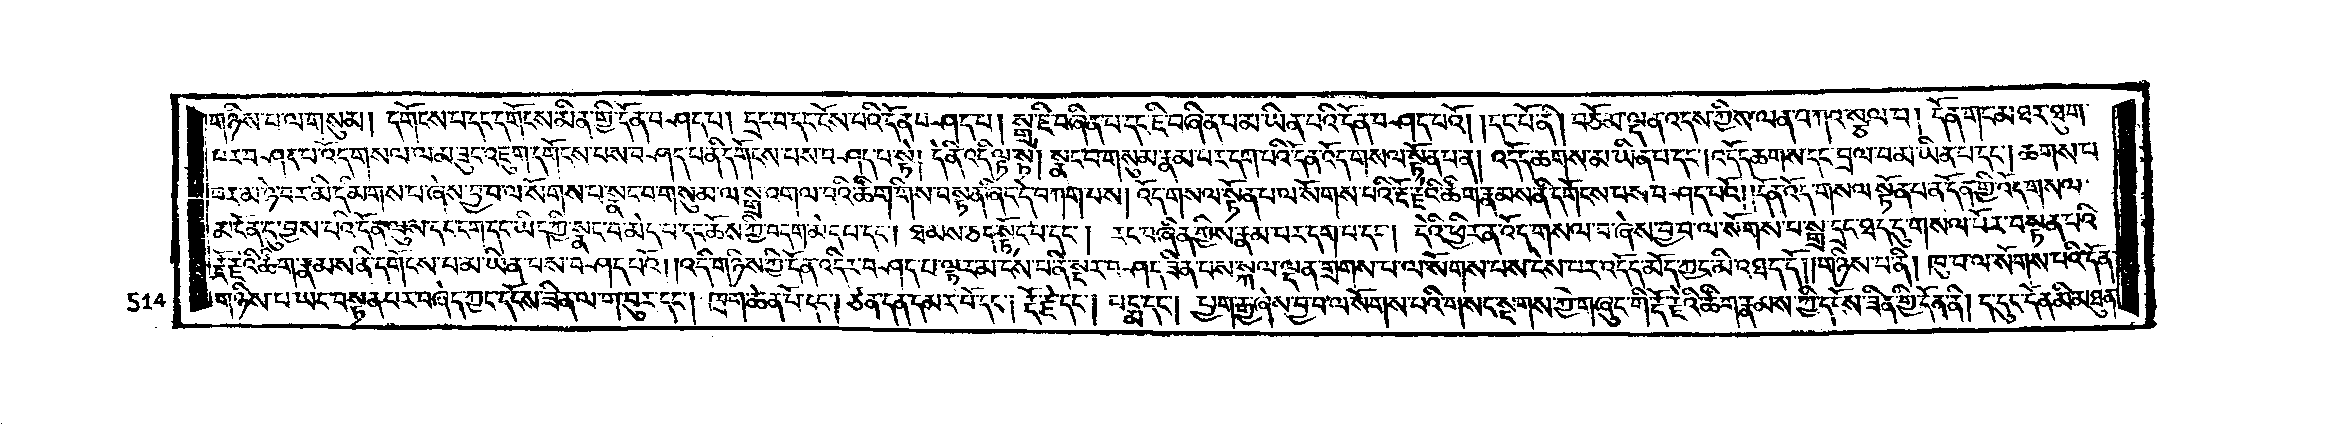གཉིས་པ་ལ་གསུམ། དགོངས་པ་དང་དགོངས་མིན་གྱི་དོན་བཤད་པ། དྲང་བ་དང་ངེས་པའི་དོན་བཤད་པ། སྒྲ་ཇི་བཞིན་པ་དང་ཇི་བཞིན་པ་མ་ཡིན་པའི་དོན་བཤད་པའོ། །དང་པོ་ནི། བཅོམ་ལྡན་འདས་ཀྱིས་ལན་བཀའ་སྩལ་པ། དོན་གང་མཐར་ཐུག་
པར་བཤད་པ་འོད་གསལ་ལམ་ཟུང་འཇུག་དགོངས་པས་བཤད་པ་ནི་དགོངས་པས་བཤད་པ་སྟེ། དེ་ནི་འདི་ལྟ་སྟེ། སྣང་བ་གསུམ་རྣམ་པར་དག་པའི་དོན་འོད་གསལ་སྟོན་པ་ན། འདོད་ཆགས་མ་ཡིན་པ་དང་། འདོད་ཆགས་དང་བྲལ་བ་མ་ཡིན་པ་དང་། ཆགས་པ་
བར་མ་ཉེ་བར་མི་དམིགས་པ་ཞེས་བྱ་བ་ལ་སོགས་པ་སྣང་བ་གསུམ་ལ་སྒྲ་འགལ་བའི་ཚིག་གིས་བསྟན་ཞིང་དེ་བཀག་པས། འོད་གསལ་སྟོན་པ་ལ་སོགས་པའི་རྡོ་རྗེའི་ཚིག་རྣམས་ནི་དགོངས་པས་བཤད་པའོ། །དོན་འོད་གསལ་སྟོན་པ་ན་དོན་གྱི་འོད་གསལ་
མངོན་དུ་བྱས་པའི་དོན་ལུས་དང་ངག་དང་ཡིད་ཀྱི་སྣང་བ་མེད་པ་དང་ཆོས་ཀྱི་བདག་མེད་པ་དང་། ཐམས་ཅད་སྟོང་པ་དང་། རང་བཞིན་གྱིས་རྣམ་པར་དག་པ་དང་། དེའི་ཕྱིར་ན་འོད་གསལ་བ་ཞེས་བྱ་བ་ལ་སོགས་པ་སྒྲ་དྲང་ཐད་དུ་གསལ་པོར་བསྟན་པའི་
རྡོ་རྗེའི་ཚིག་རྣམས་ནི་དགོངས་པ་མ་ཡིན་པས་བཤད་པའོ། །འདི་གཉིས་ཀྱི་དོན་འདིར་བཤད་པ་ལྟར་མ་ངེས་པ་ནི་སྔར་བཤད་ཟིན་པས་སྐལ་ལྡན་གྲགས་པ་ལ་སོགས་པས་ངེས་པར་འདོད་མོད་ཀྱང་མི་འཐད་དོ། །གཉིས་པ་ནི། ཁུ་བ་ལ་སོགས་པའི་དོན་
གཉིས་པ་ཡང་བསྟན་པར་བཞེད་ཀྱང་དངོས་ཟིན་ལ་ག་བུར་དང་། ཁྲག་ཆེན་པོ་དང་། ཙན་དན་དམར་པོ་དང་། རྡོ་རྗེ་དང་། པདམ་དང་། ཕྱག་རྒྱ་ཞེས་བྱ་བ་ལ་སོགས་པའི་གསང་སྔགས་ཀྱི་གཞུང་གི་རྡོ་རྗེའི་ཚིག་རྣམས་ཀྱི་དངོས་ཟིན་གྱི་དོན་ནི། ད་དུང་དོན་མི་མཐུན་